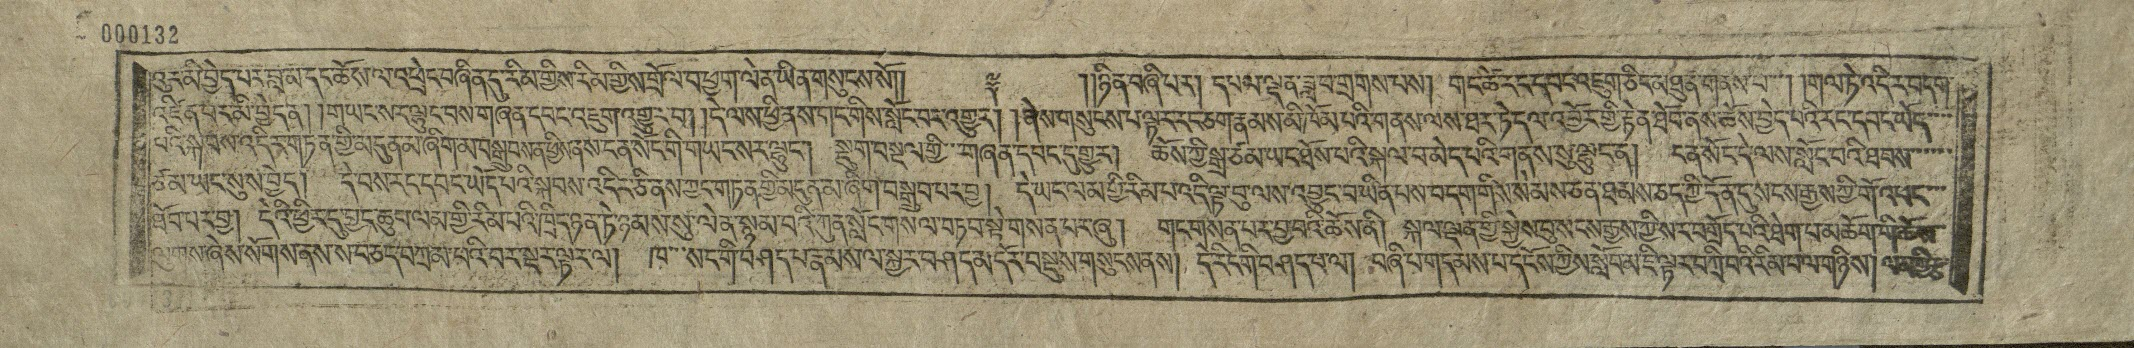འུར་མི་བྱེད་པར་བླ་མ་དང་ཆོས་ལ་འཕྲེང་བཞིན་དུ་རིམ་གྱིས་རིམ་གྱིས་གྲོལ་བ་ཕྱག་ལེན་ཡིན་གསུངས་སོ།། ༈ །།ཉིན་བཞི་པར། དཔལ་ལྡན་ཟླ་བ་གྲགས་པས། གང་ཚེ་རང་དབང་འཇུག་ཅིང་མཐུན་གནས་པ། །གལ་ཏེ་འདིར་བདག་
འཛིན་པར་མི་བྱེད་ན། །གཡང་སར་ལྷུང་བས་གཞན་དབང་འཇུག་འགྱུར་བ། །དེ་ལས་ཕྱི་ནས་གང་གིས་སློང་བར་འགྱུར། །ཞེས་གསུངས་པ་ལྟར་རང་ཅག་རྣམས་མི་ཁོམ་པའི་གནས་ལས་ཐར་ཏེ་དལ་འབྱོར་གྱི་རྟེན་ཐོབ་ནས་ཆོས་བྱེད་པའི་རང་དབང་ཡོད་
པའི་སྐབས་འདིར་གཏན་གྱི་མདུན་མ་ཞིག་མ་བསྒྲུབས་ན་ཕྱིས་ནས་ངན་སོང་གི་གཡང་སར་ལྷུང་། སྡུག་བསྔལ་གྱི་གཞན་དབང་དུ་གྱུར། ཆོས་ཀྱི་སྒྲ་ཙམ་ཡང་ཐོས་པའི་སྐལ་བ་མེད་པའི་གནས་སུ་ལྷུང་ན། ངན་སོང་དེ་ལས་སློང་བའི་ཐབས་
ཙམ་ཡང་སུས་བྱེད། དེ་བས་རང་དབང་ཡོད་པའི་སྐབས་འདིར་ཅི་ནས་ཀྱང་གཏན་གྱི་མདུན་མ་ཞིག་བསྒྲུབ་པར་བྱ། དེ་ཡང་ལམ་གྱི་རིམ་པ་འདི་ལྟ་བུ་ལས་འབྱུང་བ་ཡིན་པས་བདག་གིས་སེམས་ཅན་ཐམས་ཅད་ཀྱི་དོན་དུ་སངས་རྒྱས་ཀྱི་གོ་འཕང་
ཐོབ་པར་བྱ། དེའི་ཕྱིར་དུ་བྱང་ཆུབ་ལམ་གྱི་རིམ་པའི་ཁྲིད་ཉན་ཏེ་ཉམས་སུ་ལེན་སྙམ་པའི་ཀུན་སློང་གསལ་བཏབ་སྟེ་གསན་པར་ཞུ། གང་གསན་པར་བྱ་བའི་ཆོས་ནི། སྐལ་ལྡན་གྱི་སྐྱེས་བུ་སངས་རྒྱས་ཀྱི་སར་བགྲོད་པའི་ཐེག་པ་མཆོག་གི་ཆོས་
ལུགས་ཞེས་སོགས་ནས་ས་བཅད་བཀྲམ་པའི་བར་སྔར་ལྟར་ལ། ཁ་སང་གི་བཤད་པ་རྣམས་ལ་སྐྱར་བཤད་མདོར་བསྡུས་གསུངས་ནས། དེ་རིང་གི་བཤད་པ་ལ། བཞི་པ་གདམས་པ་དངོས་ཀྱིས་སློབ་མ་ཇི་ལྟར་བཀྲི་བའི་རིམ་པ་ལ་གཉིས། ལམ་གྱི་རྩ་